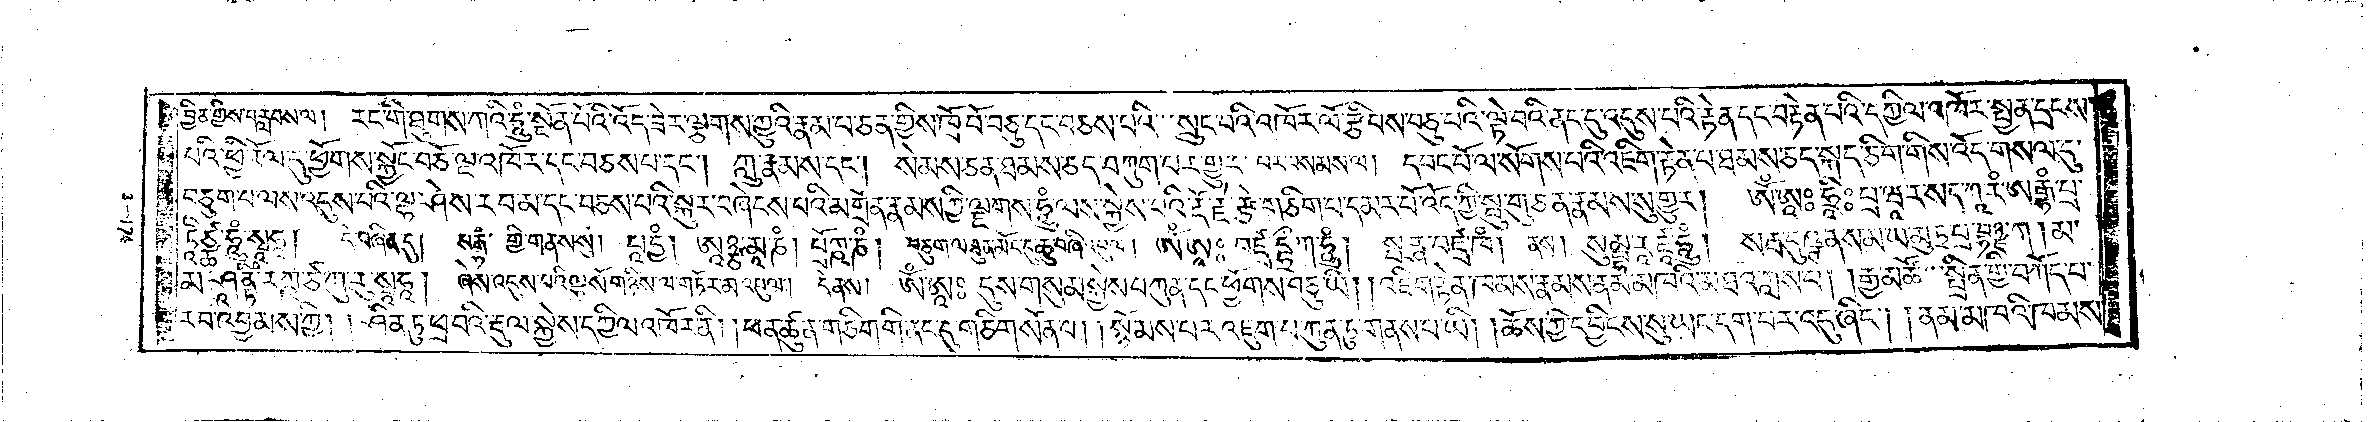བྱིན་གྱིས་བརླབས་ལ། རང་གི་ཐུགས་ཀའི་ཧཱུཾ་སྔོན་པོའི་འོད་ཟེར་ལྕགས་ཀྱུའི་རྣམ་པ་ཅན་གྱིས་ཁྲོ་བོ་བཅུ་དང་བཅས་པའི་བསྲུང་པའི་འཁོར་ལོ་རྩིབས་བཅུ་པའི་ལྟེ་བའི་ནང་དུ་འདུས་པའི་རྟེན་དང་བརྟེན་པའི་དཀྱིལ་འཁོར་སྤྱན་དྲངས་
པའི་ཕྱི་རོལ་དུ་ཕྱོགས་སྐྱོང་བཅོ་ལྔ་འཁོར་དང་བཅས་པ་དང་། ཀླུ་རྣམས་དང་། སེམས་ཅན་ཐམས་ཅད་བཀུག་པར་གྱུར་པར་བསམས་ལ། དབང་པོ་ལ་སོགས་པའི་འཇིག་རྟེན་པ་ཐམས་ཅད་སྐད་ཅིག་གིས་འོད་གསལ་དུ་
བཅུག་པ་ལས་འདུས་པའི་ལྷ་ཤེས་རབ་མ་དང་བཅས་པའི་སྐུར་བཞེངས་པའི་མགྲོན་རྣམས་ཀྱི་ལྗགས་ཧཱུཾ་ལས་སྐྱེས་པའི་རྡོ་རྗེ་རྩེ་གཅིག་པ་དམར་པོ་འོད་ཀྱི་སྦུ་གུ་ཅན་རྣམས་སུ་གྱུར། ཨོཾ་ཨཱཿཧྲཱིཿཔྲ་ཝཱར་སད་ཀཱ་རཾ་ཨ་རྒྷཾ་པྲ་
ཏཱིཙྪ་ཧཱུཾ་སྭཱཧཱ། དེ་བཞིན་དུ། སརྒྷཾ། གྱི་གནས་སུ། པཱདྱཾ། ཨཱཉྩ་མཱ་ཎཾ། པྲོཀྵ་ཎཾ། བཅུག་ལ་ཐུན་མོང་དུ་ཆུ་བཞི་འབུལ། ཨོཾ་ཨཱཿ བཛྲ་དྷྲྀཀ་ཧཱུཾ། སྤརྴ་བཛྲ་ཁཾ། ནས། སུམྦྷ་རཱ་ཛཱ་ཧཱུཾ། སརྦ་དུཥྚ་ནས་མ་ཡ་མུཏྲ་པྲ་བྷྙྫ་ག། མ་
མ་ཤཱནྟིཾ་རཀྵཙ་ཀུ་རུ་སྭཱཧཱ། ཞེས་འདུས་པའི་ལྷ་སོ་གཉིས་ལ་གཏོར་མ་འབུལ། དེ་ནས། ཨོཾ་ཨཱཿ དུས་གསུམ་སྐྱེས་པ་ཀུན་དང་ཕྱོགས་བཅུ་ཡི། །འཇིག་རྟེན་ཁམས་རྣམས་ནམ་མཁའི་མཐའ་ཀླས་པ། །རྒྱ་མཚོ་སྤྲིན་གྱི་བཀོད་པ་
རབ་འབྱམས་ཀྱི། །ཤིན་ཏུ་ཕྲ་བའི་རྡུལ་སྐྱེས་དཀྱིལ་འཁོར་ནི། །ཕན་ཚུན་གཅིག་གི་ནང་དུ་གཅིག་སོན་པ། །སྙོམས་པར་འཇུག་པ་ཀུན་ཏུ་གནས་པ་ཡི། །ཆོས་ཀྱི་དབྱིངས་སུ་ཡང་དག་པར་འདུ་ཞིང་། །ནམ་མཁའི་ཁམས་